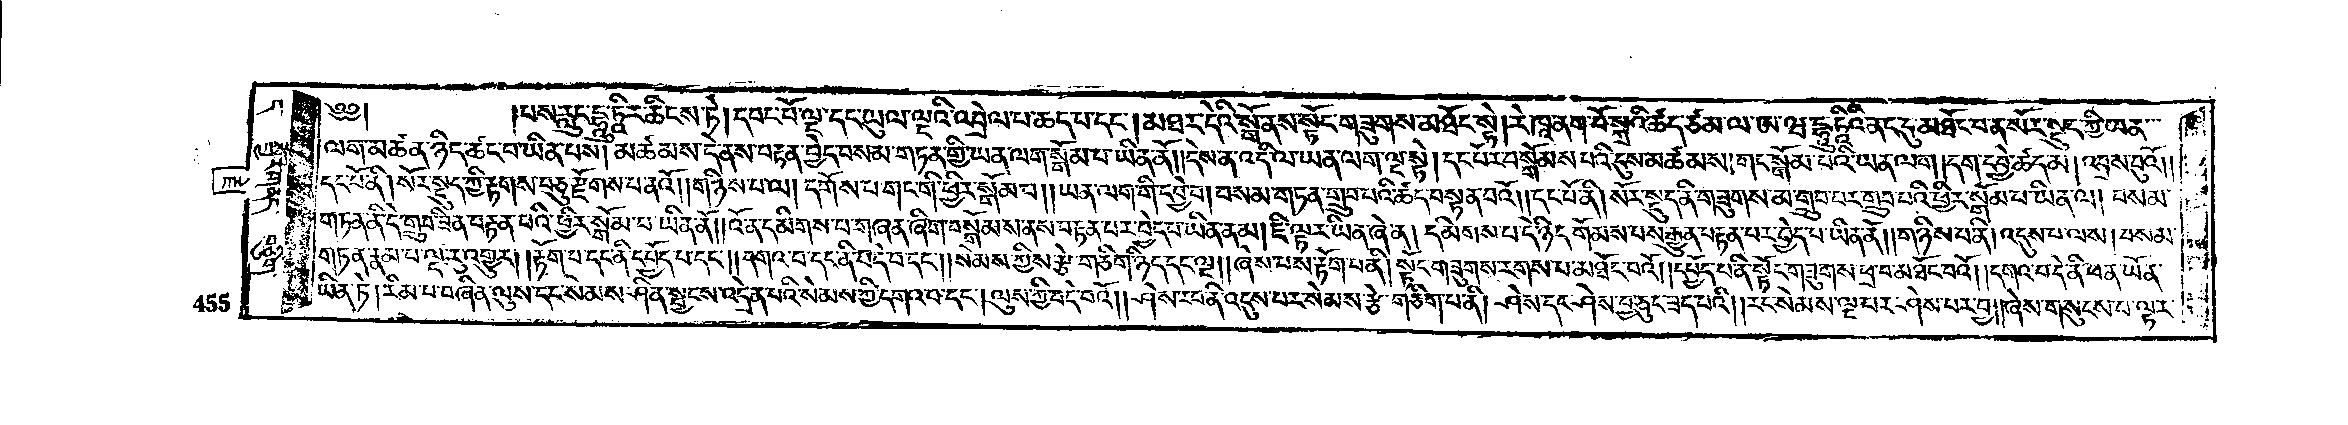༄༅། །པས་རླུང་དྷཱུ་ཏཱིར་ཆིངས་ཏེ། དབང་པོ་ལྔ་དང་ཡུལ་ལྔའི་འབྲེལ་པ་ཆད་པ་དང་། མཐར་དེའི་སྒོ་ནས་སྟོང་གཟུགས་མཐོང་སྟེ། རེ་ཁཱ་ནག་པོ་སྐྲའི་ཚད་ཙམ་ལ་ཨ་ཝ་དྷཱུ་ཏཱིའི་ནང་དུ་མཐོང་པ་ན་སོར་སྡུད་ཀྱི་ཡན་
ལག་མཚན་ཉིད་ཚང་བ་ཡིན་པས། མཚམས་དེ་ནས་བརྟན་བྱེད་བསམ་གཏན་གྱི་ཡན་ལག་སྒོམ་པ་ཡིན་ནོ། །དེས་ན་འདི་ལ་ཡན་ལག་ལྔ་སྟེ། དང་པོར་བསྒོམས་པའི་དུས་མཚམས། གང་སྒོམ་པའི་ཡན་ལག། དག་དབྱེ་ཚད་མ། འབྲས་བུའོ། །
དང་པོ་ནི། སོར་སྡུད་ཀྱི་རྟགས་བཅུ་རྫོགས་པ་ནའོ། །གཉིས་པ་ལ། དགོས་པ་གང་གི་ཕྱིར་སྒོམ་པ། །ཡན་ལག་གི་དབྱེ་བ། བསམ་གཏན་གྲུབ་པའི་ཚད་བསྟན་པའོ། །དང་པོ་ནི། སོར་སྡུད་ནི་གཟུགས་མ་གྲུབ་པར་གྲུབ་པའི་ཕྱིར་སྒོམ་པ་ཡིན་ལ། བསམ་
གཏན་ནི་དེ་གྲུབ་ཟིན་བརྟན་པའི་ཕྱིར་སྒོམ་པ་ཡིན་ནོ། །འོ་ན་དམིགས་པ་གཞན་ཞིག་བསྒོམས་ནས་བརྟན་པར་བྱེད་པ་ཡིན་ནམ། ཇི་ལྟར་ཡིན་ཞེ་ན། དམིགས་པ་དེ་ཉིད་གོམས་པས་རྒྱུན་བརྟན་པར་བྱེད་པ་ཡིན་ནོ། །གཉིས་པ་ནི། འདུས་པ་ལས། བསམ་
གཏན་རྣམ་པ་ལྔ་རུ་འགྱུར། །རྟོག་པ་དང་ནི་དཔྱོད་པ་དང་། །དགའ་བ་དང་ནི་བདེ་བ་དང་། །སེམས་ཀྱིས་རྩེ་གཅིག་ཉིད་དང་ལྔ། །ཞེས་པས་རྟོག་པ་ནི། སྟོང་གཟུགས་རགས་པ་མཐོང་བའོ། །དཔྱོད་པ་ནི་སྟོང་གཟུགས་ཕྲ་བ་མཐོང་བའོ། །དགའ་བ་དེ་ནི་ཕན་ཡོན་
ཡིན་ཏེ། རིམ་པ་བཞིན་ལུས་དང་སེམས་ཤིན་སྦྱངས་འདྲེན་པའི་སེམས་ཀྱི་དགའ་བ་དང་། ལུས་ཀྱི་བདེ་བའོ། །ཤེས་རབ་ནི་འདུས་པར་སེམས་རྩེ་གཅིག་པ་ནི། ཤེས་དང་ཤེས་བྱ་ཅུང་ཟད་པའི། །རང་སེམས་ལྔ་པར་ཤེས་པར་བྱ། །ཞེས་གསུངས་པ་ལྟར་